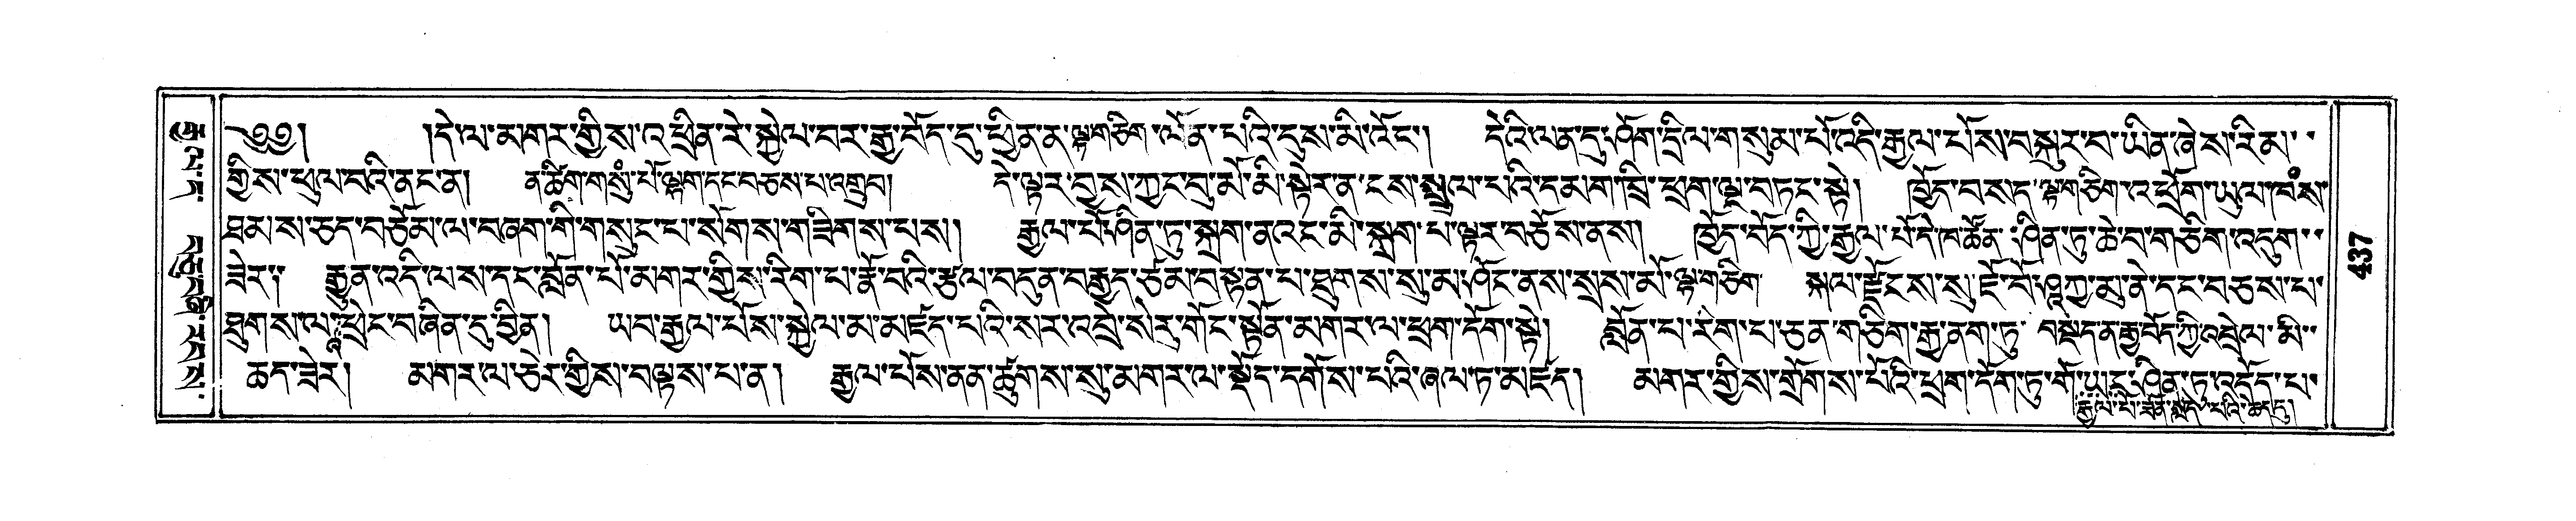༄༅། །དེ་ལ་མགར་གྱིས་འཕྲིན་རེ་སྐྱེལ་བར་རྒྱ་བོད་དུ་ཕྱིན་ན་ལྷ་གཅིག་ལོན་པའི་དུས་མི་འོང་། དེའི་ལན་དུ་ཤོག་དྲིལ་གསུམ་པོ་འདི་རྒྱལ་པོས་བསྐུར་བ་ཡིན་ཞེས་རིམ་
གྱིས་ཕུལ་བའི་ནང་ན། ན་ཚིག་གསུཾ་པོ་ལྷག་དང་བཅས་པ་འགྲུབ།  དེ་ལྟར་བྱས་ཀྱང་བུ་མོ་མི་སྟེར་ན་ངས་སྤྲུལ་པའི་དམག་ཁྲི་ཕྲག་ལྔ་བཏང་སྟེ། ཁྱོད་བསད་ལྷ་གཅིག་འཕྲོག་ཡུལ་ཁཾས་
ཐམས་ཅད་བཅོམ་ལ་བཞག་གི་གསུང་པ་སོགས་གཟིགས་པས། རྒྱལ་པོ་ཤིན་ཏུ་སྐྲག་ནའང་མི་སྐྲག་པ་ལྟར་བཅོས་ནས། ཁྱོད་བོད་ཀྱི་རྒྱལ་པོ་དེ་ཁ་ཚོན་ཤིན་ཏུ་ཆེ་བ་གཅིག་འདུག་
ཟེར༑ རྒྱུན་འདི་ལས་དང་བློན་པོ་མགར་གྱིས་རིག་པ་རྣོ་བའི་རྩལ་བདུན་བརྒྱད་ཙམ་བསྟན་པ་ཐུགས་སུ་མ་ཤོང་ནས་སྲས་མོ་ལྷ་གཅིག་སྐལ་རྫོངས་སུ་ཇོ་བོ་ཤཱཀྱ་མུ་ནེ་དང་བཅས་པ་
ཐུགས་ལ་འཕྲེང་བཞིན་དུ་བྱིན། ཡབ་རྒྱལ་པོས་སྐྱེལ་མ་མཛད་པའི་སར་འབྲེ་སེརུ་གོང་སྟོན་མགར་ལ་ཕྲག་དོག་སྟེ། བློན་པ་རིག་པ་ཅན་གཅིག་རྒྱ་ནག་ཏུ་བསྡད་ན་རྒྱ་བོད་ཀྱི་འབྲེལ་མི་
ཆད་ཟེར། མགར་ལ་ཅེར་གྱིས་བལྟས་པ་ན། རྒྱལ་པོས་ནན་ཚུགས་སུ་མགར་ལ་སྡོད་དགོས་པའི་ཞལ་ཏ་མཛད། མགར་གྱིས་གྲོགས་པོའི་ཕྲག་དོག་ཏུ་གོ་ཡང་ཤིན་ཏུ་འདོད་པ་
རྒྱལ་པོ་ཟོན་སླད་པའི་ཆེད་དུ།